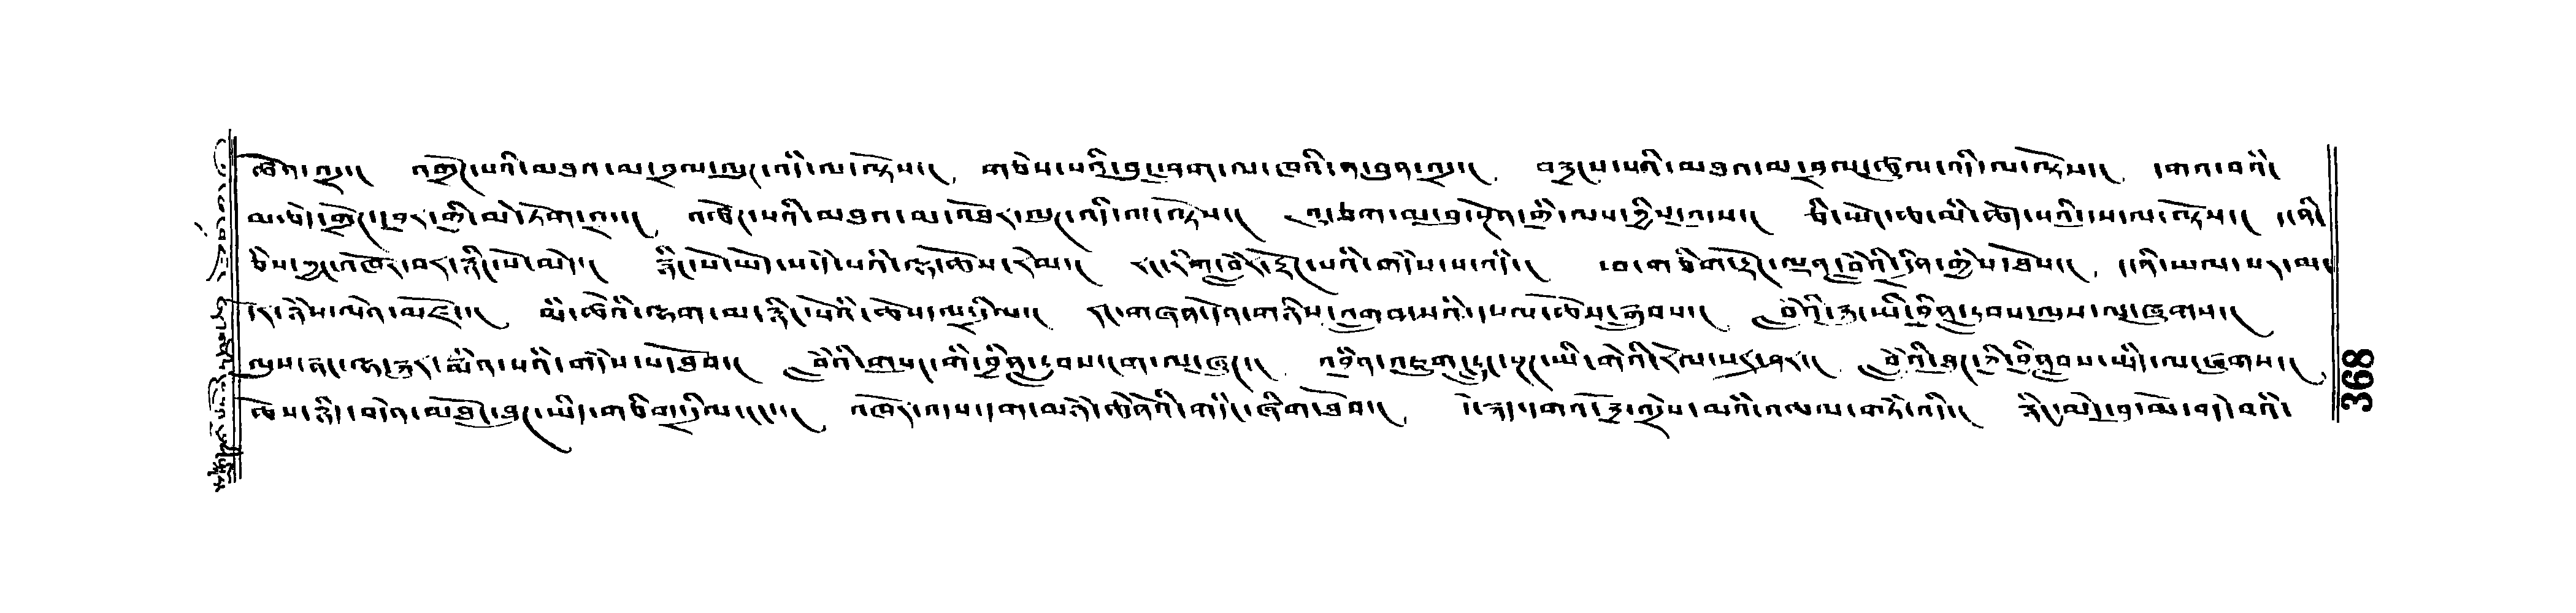ཚོན་འདྲ། །འགྲོགས་པའི་མཐའ་མ་བྲལ་ལུགས་འདི་ལ་ལྟོས། །གཅེས་པའི་བུ་ཕྲུག་ལ་ཁའི་ན་བུན་འདྲ། །བསྐྱངས་པའི་མཐའ་མ་བྲལ་ཚུལ་འདི་ལ་ལྟོས། །དགའ་བའི་
མཆེད་གྲོགས་དབྱར་གྱི་མེ་ཏོག་འདྲ། །འཚོགས་པའི་མཐའ་མ་འཐོར་ལུགས་འདི་ལ་ལྟོས། །འུ་ཅག་མ་བུ་སྔོན་གྱིས་ལས་ཀྱིས་འདུས། །ཅི་ཡོང་ཆ་མི་ཆོད་པའི་དུས་ལ་ལྟོས། །ད་ནི་
ཅིས་ཀྱང་འཁོར་བར་སྙིང་པོ་མེད། །སྙིང་པོ་ཡོད་པ་དམ་པའི་ལྷ་ཆོས་རེམ། །རང་རིག་བླ་མར་རྟོགས་པའི་གདམས་པ་འདི། །ཕ་གཅིག་རྟོགས་ལྡན་བླ་མའི་དྲིན་གྱིས་ཐོས། །ད་ནི་ཡལ་བར་མ་
དོར་ཉམས་ལེན་མཛོད། །མི་ཚེའི་ལྷག་མ་སྙིང་པོའི་ཆོས་ལ་དྲིལ། །རང་གཞན་དོན་གཉིས་འགྲུབ་པའི་དཔལ་ཆོས་སྒྲུབས། །བླ་མའི་སྐུ་ཡི་བྱིན་རླབས་ལུས་ལ་ཞུགས། །
ལུས་སྣང་ལྷ་སྐུར་སྨིན་པའི་གདམས་པ་ཐོབ། །བླ་མའི་གསུང་གི་བྱིན་རླབས་ངག་ལ་ཞུགས། །འབྱིན་འཇུག་རླུང་སྔགས་ཡི་གེའི་རོལ་པར་ཤར། །བླ་མའི་ཐུགས་ཀྱི་བྱིན་རླབས་ཡིད་ལ་ཞུགས། །
ཆོས་ཉིད་དོན་མཐོང་ཐུགས་ཡིད་གཅིག་དྲིལ་ངང་། །འཁོར་འདས་དག་མཉམ་ཆེན་པོའི་གདིང་ཞིག་ཐོབ། །དེ་སྐད་དགའ་སྐྱོ་འདྲེས་མའི་འཆལ་གཏམ་འདི། །སྙིང་མེད་བུ་མོ་བདེ་བའི་